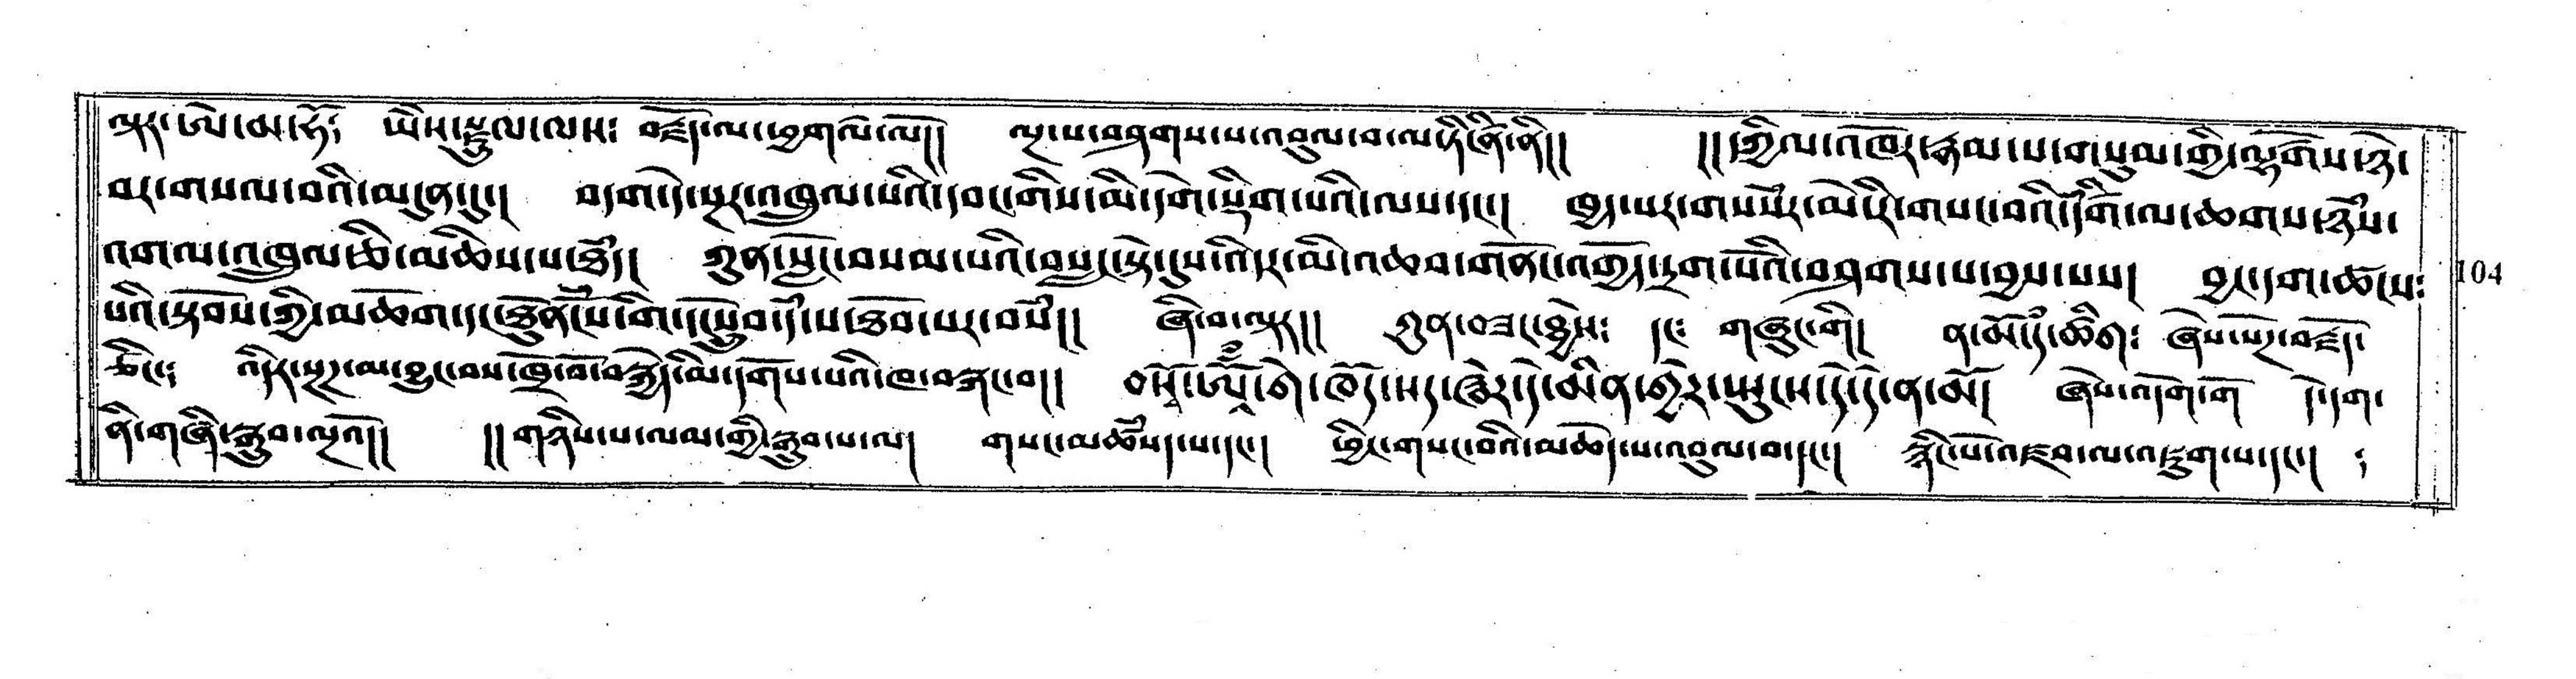ལྟར་ཨེ་མ་ཧོ ཡེ་ཤེས་རྫུ་འཕྲུལ་ལས༴ བརྗོད་ལ་ཕྱག་འཚལ་ལོ།། ལྔ་པ་བཤགས་པ་འབུལ་བ་ལ་ཏིང་འཛིན་ནི།། །།དཀྱིལ་འཁོར་རྣམ་པ་གསུམ་གྱི་ལྷ་ཚོགས་ཉེ་
བར་གསལ་བའི་མདུན་དུ། བདག་དེ་སྔར་འཁྲུལ་པའི་དབང་གིས་མི་དགེ་སྡིག་པའི་ལས་དང་། ཁྱད་པར་གསས་མཁར་མེ་རི་གསང་བའི་དམ་ཚིག་ལ་ཆགས་ཉམས་
འགལ་འཁྲུལ་ཅི་མཆིས་པ་ཐམས་ཅད། ཀུན་སློང་བསམ་པའི་བསླང་སྟེ་དུས་འདིར་མི་འཆབ་གནོང་འགྱོད་དྲག་པོའི་བཤགས་པ་བྱས་པས། བྱང་དག་ཚངས་
པའི་སྟོབས་ཀྱི་མཆོག་དང་ཐུན་མོངས་གི་དངོས་གྲུབ་དམ་པ་ཐོབ་པར་བསམ།། ཞི་བ་ལྟར།། ཀུན་བཟང་ཐུགས་རྗེ༴ དང་གཞུང་གི། ན་མོ་དམ་ཚིག༴ ཞེས་སོགས་བརྗོད་
ཅིང་འདིར་སྔགས་མ་བྱུང་བས་ཁྲོ་བོ་བསྐྱེད་མི་དགོས་པའི་ཁ་བསྐང་བ།། བསྭོ་ཨཱོཾ་གེ་ཁོད་སད་ཝེར་དེ་མིན་གྱེར་སྤུངས་དེ་དེ་ན་མོ། ཞེས་འདོག་གོ དེ་དག་
ནི་གཞི་སྒྲུབ་ལྔའོ།། །།གཉིས་པ་ལམ་གྱི་སྒྲུབ་པ་ལ། གསང་མཚམས་བཅད་པ་དང་། ཕྱི་ནང་གསང་བའི་མཆོད་པ་འབུལ་བ་དང་། སྙིང་པོ་འཛབ་ལ་འཇུག་པ་དང་།